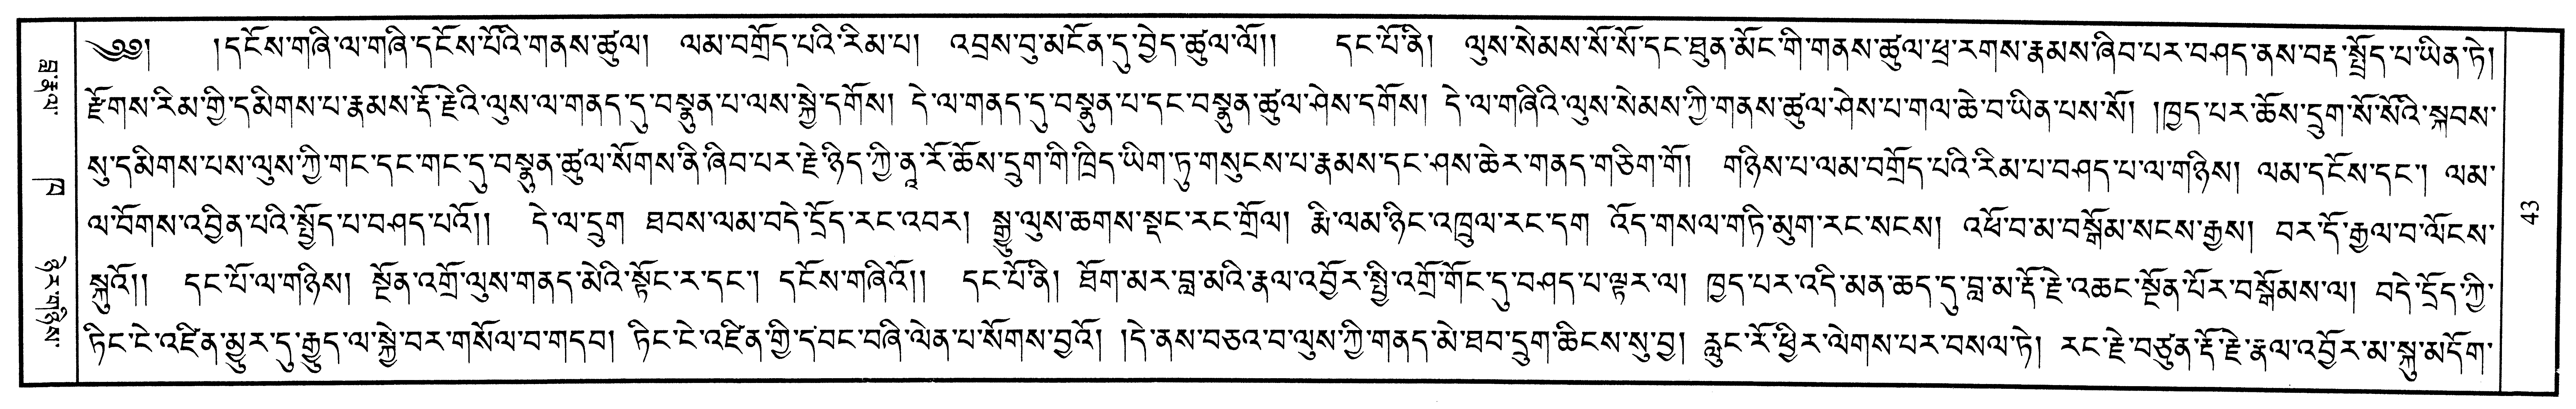༄༅། །དངོས་གཞི་ལ་གཞི་དངོས་པོའི་གནས་ཚུལ། ལམ་བགྲོད་པའི་རིམ་པ། འབྲས་བུ་མངོན་དུ་བྱེད་ཚུལ་ལོ། དང་པོ་ནི། ལུས་སེམས་སོ་སོ་དང་ཐུན་མོང་གི་གནས་ཚུལ་ཕྲ་རགས་རྣམས་ཞིབ་པར་བཤད་ནས་བརྡ་སྤྲོད་པ་ཡིན་ཏེ།
རྫོགས་རིམ་གྱི་དམིགས་པ་རྣམས་རྡོ་རྗེའི་ལུས་ལ་གནད་དུ་བསྣུན་པ་ལས་སྐྱེ་དགོས། །དེ་ལ་གནད་དུ་བསྣུན་པ་དང་བསྣུན་ཚུལ་ཤེས་དགོས། དེ་ལ་གཞིའི་ལུས་སེམས་ཀྱི་གནས་ཚུལ་ཤེས་པ་གལ་ཆེ་བ་ཡིན་པས་སོ། །ཁྱད་པར་ཆོས་དྲུག་སོ་སོའི་སྐབས་
སུ་དམིགས་པས་ལུས་ཀྱི་གང་དང་གང་དུ་བསྣུན་ཚུལ་སོགས་ནི་ཞིབ་པར་རྗེ་ཉིད་ཀྱི་ནཱ་རོ་ཆོས་དྲུག་གི་ཁྲིད་ཡིག་ཏུ་གསུངས་པ་རྣམས་དང་ཤས་ཆེར་གནད་གཅིག་གོ །གཉིས་པ་ལམ་བགྲོད་པའི་རིམ་པ་བཤད་པ་ལ་གཉིས། ལམ་དངོས་དང་། ལམ་
ལ་བོགས་འབྱིན་པའི་སྤྱོད་པ་བཤད་པའོ།། དེ་ལ་དྲུག་ཐབས་ལམ་བདེ་དྲོད་རང་འབར། སྒྱུ་ལུས་ཆགས་སྡང་རང་གྲོལ། །རྨི་ལམ་ཉིང་འཁྲུལ་རང་དག །འོད་གསལ་གཏི་མུག་རང་སངས། འཕོ་བ་མ་བསྒོམ་སངས་རྒྱས། བར་དོ་རྒྱལ་བ་ལོངས་
སྐུའོ།། དང་པོ་ལ་གཉིས། སྔོན་འགྲོ་ལུས་གནད་མེའི་སྟོང་ར་དང་། དངོས་གཞིའོ། །དང་པོ་ནི། ཐོག་མར་བླ་མའི་རྣལ་འབྱོར་སྤྱི་འགྲོ་གོང་དུ་བཤད་པ་ལྟར་ལ། ཁྱད་པར་འདི་མན་ཆད་དུ་བླ་མ་རྡོ་རྗེ་འཆང་སྔོན་པོར་བསྒོམས་ལ། བདེ་དྲོད་ཀྱི་
ཏིང་ངེ་འཛིན་མྱུར་དུ་རྒྱུད་ལ་སྐྱེ་བར་གསོལ་བ་གདབ། ཏིང་ངེ་འཛིན་གྱི་དབང་བཞི་ལེན་པ་སོགས་བྱའོ། །དེ་ནས་བཅའ་བ་ལུས་ཀྱི་གནད་མེ་ཐབ་དྲུག་ཆིངས་སུ་བྱ། རླུང་རོ་ཕྱིར་ལེགས་པར་བསལ་ཏེ། རང་རྗེ་བཙུན་རྡོ་རྗེ་རྣལ་འབྱོར་མ་སྐུ་མདོག་